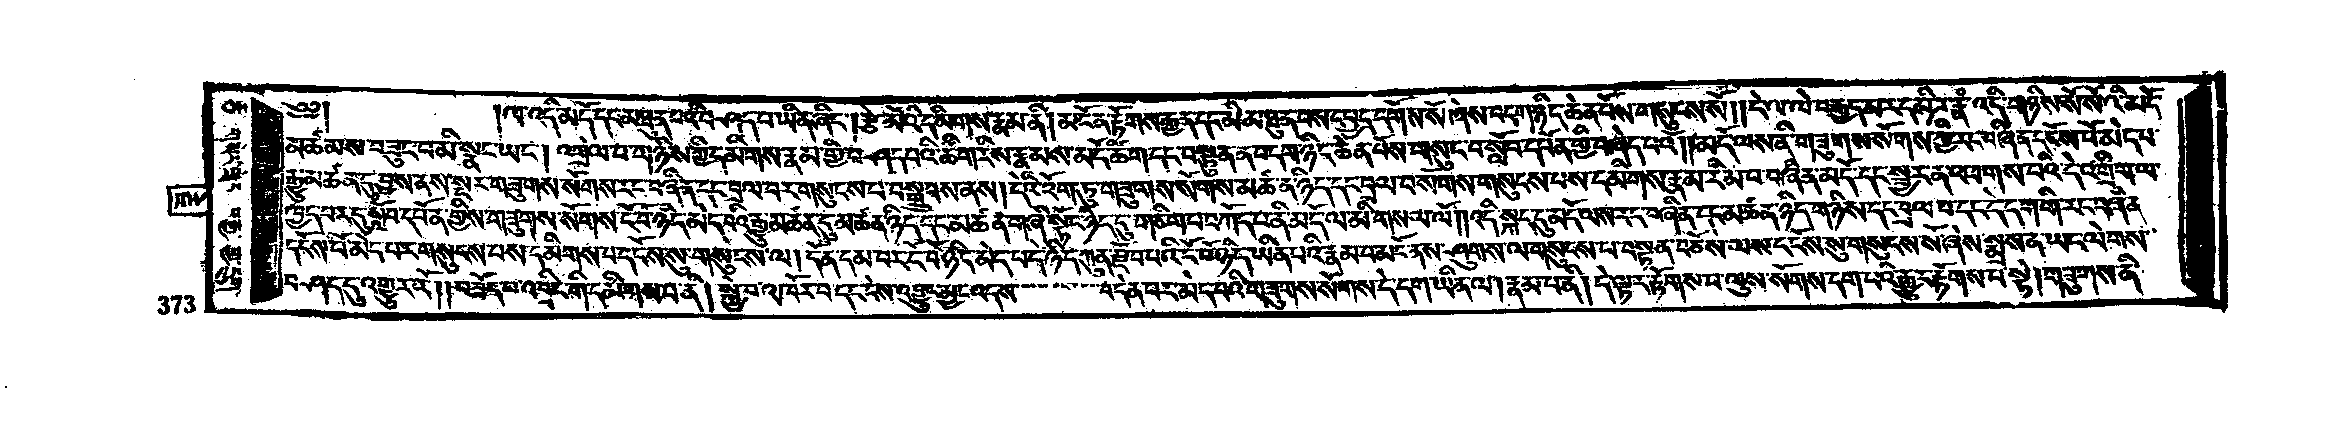༄༅། །ལ་འདི་མདོ་དང་མཐུན་པའི་བཤད་པ་ཡིན་ཞིང་། རྩ་མོའི་དམིགས་རྣམ་ནི། མངོན་རྟོགས་རྒྱན་དང་མི་མཐུན་པས་དཔྱད་དགོས་སོ་ཞེས་བདག་ཉིད་ཆེན་པོས་གསུངས་སོ། །དེ་ལ་ལེ་བརྒྱད་མར་དམིགས་རྣམ་འདི་གཉིས་སོ་སོའི་མདོ་
མཚམས་བཟུང་བ་མི་སྣང་ཡང་། འགྲེལ་པ་གཉིས་ཀྱི་དམིགས་རྣམ་གྱི་བཤད་པའི་ཚིག་རིས་རྣམས་མདོ་ཚིག་དང་བསྟུན་ན་བདག་ཉིད་ཆེན་པོས་གསུང་བ་སློབ་དཔོན་གྱི་བཞེད་པའོ། །མདོ་ལས་ནི་གཟུགས་སོགས་ཀྱི་རང་བཞིན་དངོས་པོ་མེད་པ་
རྒྱུ་མཚན་དུ་བྱས་ནས་སྔར་གཟུགས་སོགས་རང་བཞིན་དང་བྲལ་བར་གསུངས་པ་བསྒྲུབས་ནས། དེའི་འོག་ཏུ་གཟུགས་སོགས་མཚན་ཉིད་དང་བྲལ་བ་སོགས་གསུངས་པས་དམིགས་རྣམ་རིམ་པ་བཞིན་མདོ་དང་སྦྱར་ན་འཕགས་པའི་དེ་འགྲིག་ལ་
ཁྱད་པར་དུ་སློབ་དཔོན་གྱིས་གཟུགས་སོགས་ངོ་བོ་ཉིད་མེད་པའི་རྒྱུ་མཚན་དུ་མཚན་ཉིད་དང་མཚན་གཞི་སྟོང་ཉིད་དུ་གཅིག་པ་བཀོད་པ་ནི་མདོ་ལ་མི་གསལ་ལོ། །འདི་སྐད་དུ་མདོ་ལས་རང་བཞིན་དང་མཚན་ཉིད་གཉིས་དང་བྲལ་བ་དང་དེ་དག་གི་རང་བཞིན་
དངོས་པོ་མེད་པར་གསུངས་པས་དམིགས་པ་དངོས་སུ་གསུངས་ལ། དོན་དམ་པར་ངོ་བོ་ཉིད་མེད་པ་དེ་ཉིད་ཀུན་རྫོབ་པའི་ངོ་བོ་ཉིད་ཡིན་པའི་རྣམ་པ་མདོ་ནས་ཤུགས་ལ་གསུངས་པ་བསྟན་བཅོས་ལས་དངོས་སུ་གསུངས་སོ་ཞེས་སྨྲས་ན་ཡང་ལེགས་
བཤད་དུ་འགྱུར་རོ། །བཟོད་པ་འབྲིང་གི་དམིགས་པ་ནི། སྐྱེ་བ་འཁོར་བ་དང་ངེས་འབྱུང་མྱང་འདས་བདེན་པར་མེད་པའི་གཟུགས་སོགས་དེ་དག་ཡིན་ལ། རྣམ་པ་ནི། དེ་ལྟར་རྟོགས་པ་ལུས་སོགས་དག་པའི་རྒྱུར་རྟོགས་པ་སྟེ། གཟུགས་ནི་